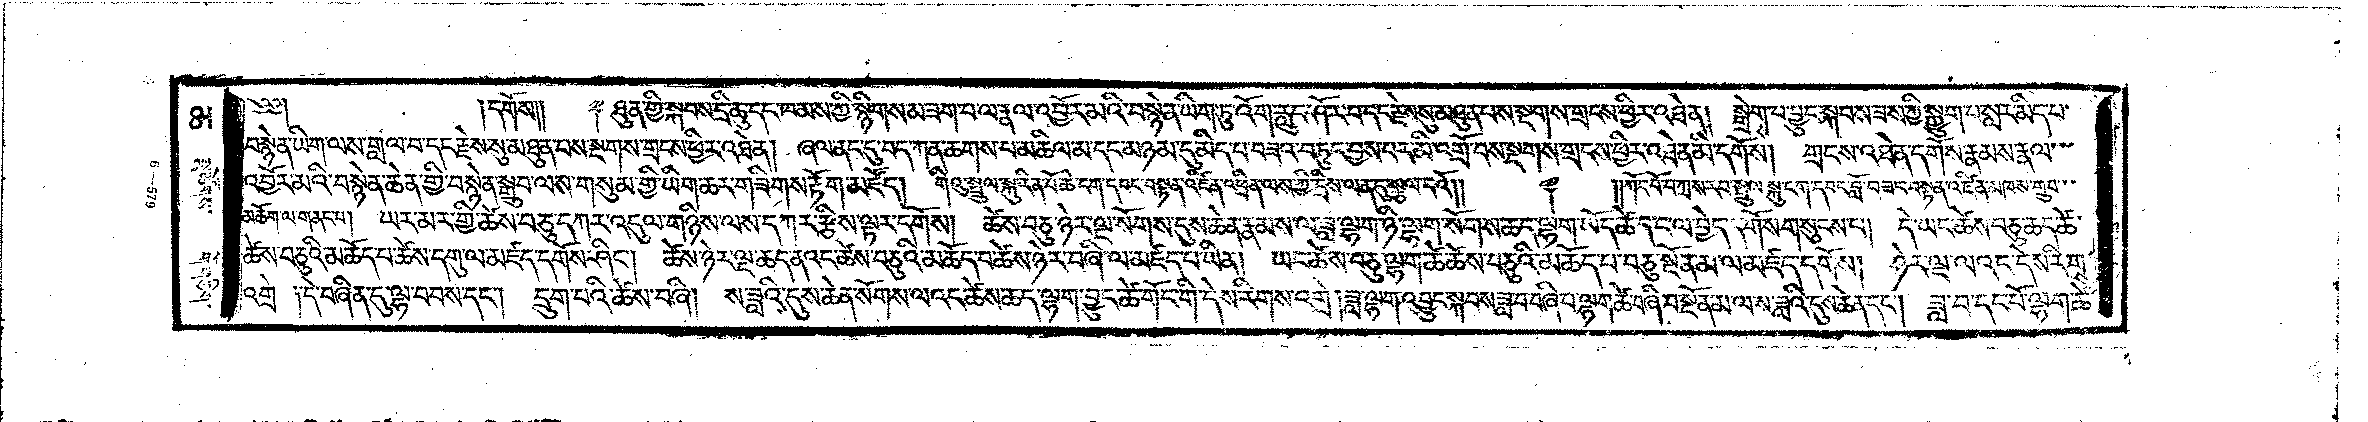༄༅། །དགོས།། ༈ ཐུན་གྱི་སྐབས་དྲི་ཆུ་དང་ཁམས་ཀྱི་སྙིགས་མ་ཟག་པ་ལ་རྣལ་འབྱོར་མའི་བསྙེན་ཡིག་ཏུ་འོག་རླུང་ཤོར་བ་དང་རྗེས་སུ་མཐུན་པས་སྔགས་གྲངས་ཕྱིར་འཐེན། སྒྲེགས་པ་བྱུང་སྐབས་ཟས་ཀྱི་སྒྱུག་པ་སླར་མིད་པ་
བསྙེན་ཡིག་ལས་གླལ་བ་དང་རྗེས་སུ་མཐུན་པས་སྔགས་གྲངས་ཕྱིར་འཐེན། ཞལ་ནང་དུ་བད་ཀན་ཆགས་པ་མཆིལ་མ་དང་མཉམ་དུ་མིད་པ་བཟའ་བཏུང་བྱས་བར་མི་འགྲོ་བས་སྔགས་གྲངས་ཕྱིར་འཐེན་མི་དགོས། གྲངས་འཐེན་དགོས་རྣམས་རྣལ་
འབྱོར་མའི་བསྙེན་ཆེན་གྱི་བསྙེན་སྒྲུབ་ལས་གསུམ་གྱི་ཡིག་ཆར་གཟིགས་རྟོག་མཛོད། གིའུ་སྤྲུལ་སྐུ་རིན་པོ་ཆེ་ངག་དབང་བསྟན་འཛིན་འཕྲིན་ལས་ཀྱི་དྲིས་ལན་དུ་སྩལ་བའོ།། ༈ །།ཀོང་པོ་བཀྲས་རབ་སྤྲུལ་སྐུ་ངག་དབང་བློ་བཟང་བསྟན་འཛིན་མཁས་གྲུབ་
མཆོག་ལ་གནང་པ། ཡར་མར་གྱི་ཚེས་བཅུ་དཀར་འདུལ་གཉིས་ལས་དཀར་རྩིས་ལྟར་དགོས། ཚེས་བཅུ་ཉེར་ལྔ་སོགས་དུས་ཆེན་རྣམས་ལ་ཟླ་ལྷག་ཉི་ལྷག་སོགས་ཆད་ལྷག་ཡོད་ཚེ་དང་ལ་བྱེད་དགོས་གསུངས་པ། དེ་ཡང་ཚེས་བཅུ་ཆད་ཚེ་
ཚེས་བཅུའི་མཆོད་པ་ཚེས་དགུ་ལ་མཛད་དགོས་ཤིང་། ཚེས་ཉེར་ལྔ་ཆད་ནའང་ཚེས་བཅུའི་མཆོད་པ་ཚེས་ཉེར་བཞི་ལ་མཛད་པ་ཡིན། ཡང་ཚེས་བཅུ་ལྷག་ཚེ་ཚེས་བཅུའི་མཆོད་པ་བཅུ་སྔོན་མ་ལ་མཛད་དགོས། ཉེར་ལྔ་ལའང་དེས་རིགས་
འགྲེ་༑དེ་བཞིན་དུ་ལྷ་བབས་དང་། དྲུག་པའི་ཚེས་བཞི། ས་ཟླའི་དུས་ཆེན་སོགས་ལའང་ཚེས་ཆད་ལྷག་བྱུང་ཚེ་གོང་གི་དེས་རིགས་འགྲེ་།ཟླ་ལྷག་འབྱུང་སྐབས་ཟླ་བ་བཞི་པ་ལྷག་ཚེ་བཞི་པ་སྔོན་མ་ལས་ཟླའི་དུས་ཆེན་དང་། ཟླ་བ་དང་པོ་ལྷག་ཚེ་